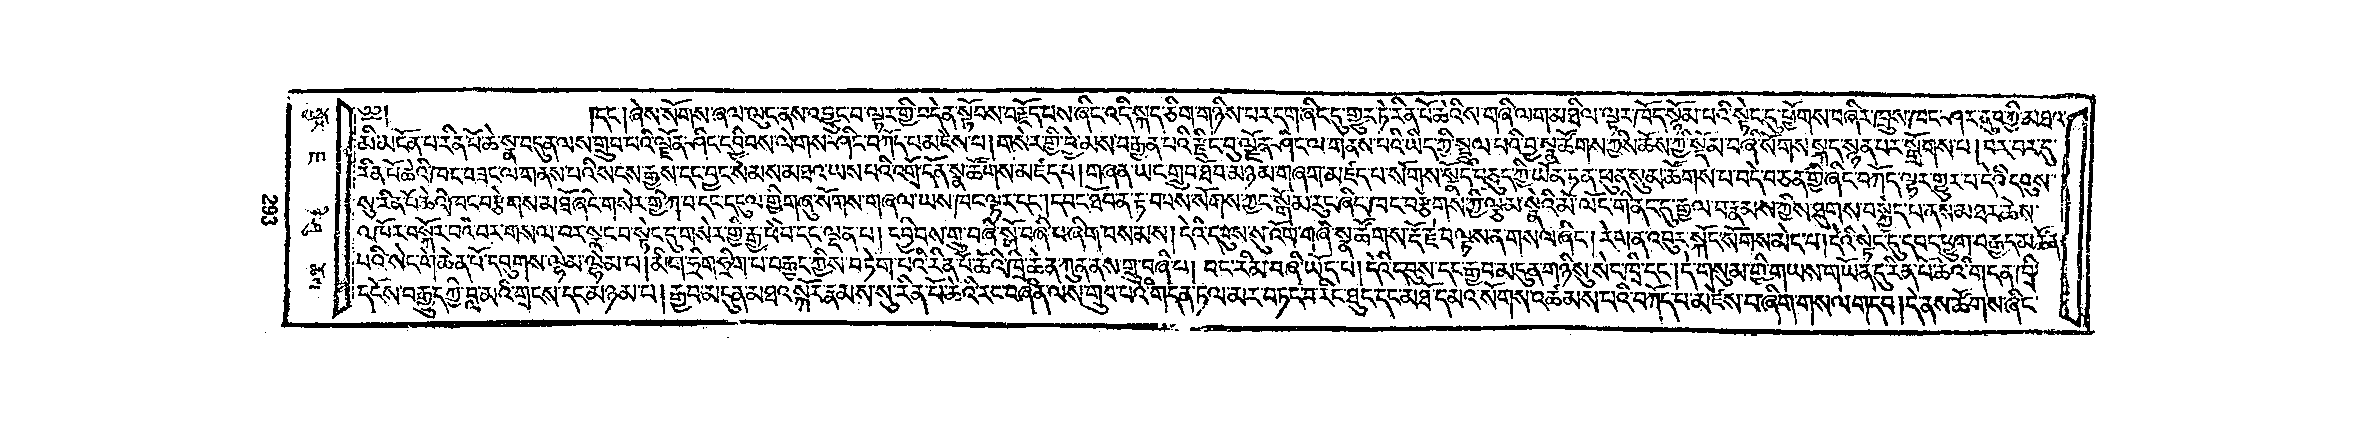༄༅། །དང་། ཞེས་སོགས་ཞལ་ལུང་ནས་འབྱུང་བ་ལྟར་གྱི་བདེན་སྟོབས་བརྗོད་པས་ཞིང་འདི་སྐད་ཅིག་གཉིས་པར་དག་ཞིང་དུ་གྱུར་ཏེ་རིན་པོ་ཆེའི་ས་གཞི་ལག་མཐིལ་ལྟར་ཁོད་སྙོམ་པའི་སྟེང་དུ་ཕྱོགས་བཞིར་ཁྲུས་ཁང་ཤར་ནུབ་ཀྱི་མཐའ་
མི་མངོན་པ་རིན་པོ་ཆེ་སྣ་བདུན་ལས་གྲུབ་པའི་ལྗོན་ཤིང་དབྱིབས་ལེགས་ཤིང་བཀོད་པ་མཛེས་པ། གསེར་གྱི་བྱེ་མས་བརྒྱན་པའི་རྫིང་བུ་ལྗོན་ཤིང་ལ་གནས་པའི་ཡིད་ཀྱི་སྤྲུལ་བའི་བྱ་སྣ་ཚོགས་ཀྱིས་ཆོས་ཀྱི་སྡོམ་བཞི་སོགས་སྐད་སྙན་པར་སྒྲོགས་པ། བར་བར་དུ་
རིན་པོ་ཆེའི་ཁང་བཟང་ལ་གནས་པའི་སངས་རྒྱས་དང་བྱང་སེམས་མཐའ་ཡས་པའི་འགྲོ་དོན་སྣ་ཚོགས་མཛད་པ། གཞན་ཡང་གྲུབ་ཐོབ་མཉམ་གཞག་མཛད་པ་སོགས་སྣོད་བཅུད་ཀྱི་ཡོན་ཏན་ཕུན་སུམ་ཚོགས་པ་བདེ་བ་ཅན་གྱི་ཞིང་བཀོད་ལྟར་གྱུར་པ་དེའི་དབུས་
སུ་རིན་པོ་ཆེའི་ཁང་བརྩེགས་མཐོ་ཞིང་གསེར་གྱི་ཀ་བ་དང་དངུལ་གྱི་གཞུ་སོགས་གཞལ་ཡས་ཁང་ལྟར་དང་། དབང་ཐོབ་ན་རྟ་བབས་སོགས་ཀྱང་སྒོམ་རུང་ཞིང་ཁང་བརྩེགས་ཀྱི་ལྕམ་སྣེའི་མེ་ལོང་གི་ནང་དུ་རྒྱལ་བ་རྣམས་ཀྱིས་ཐུགས་བསྐྱེད་པ་ནས་མཐར་ཆེས་
འཁོར་བསྐོར་བའི་བར་གསལ་བར་སྣང་བ་སྟེང་དུ་གསེར་གྱི་རྒྱ་ཕཻབ་དང་ལྡན་པ། དབྱིབས་གྲུ་བཞི་སྒོ་བཞི་པ་ཞིག་བསམས། དེའི་དབུས་སུ་འོག་གཞི་སྣ་ཚོགས་རྡོ་རྗེ་བལྟས་ན་གསལ་ཞིང་། རེག་ན་འབུར་སྐོང་སོགས་མེད་པ། དེའི་སྟེང་དུ་དབང་ཕྱུག་བརྒྱད་མཚོན་
པའི་སེང་གེ་ཆེན་པོ་དབུགས་ལྷེམ་ལྷེམ་པ། མིག་ཧྲིག་ཧྲིག་པ་བརྒྱད་ཀྱིས་བཏེག་པའི་རིན་པོ་ཆེའི་ཁྲི་ཆེན་ཀུན་ནས་གྲུ་བཞི་པ། བང་རིམ་བཞི་ཡོད་པ། དེའི་དབུས་དང་རྒྱབ་མདུན་གཉིས་སུ་སེང་ཁྲི་དང་། དེ་གསུམ་གྱི་གཡས་གཡོན་དུ་རིན་པོ་ཆེའི་གདན་ཁྲི་
དངོས་བརྒྱུད་ཀྱི་བླ་མའི་གྲངས་དང་མཉམ་པ། རྒྱབ་མདུན་མཐའ་སྐོར་རྣམས་སུ་རིན་པོ་ཆེའི་རང་བཞིན་ལས་གྲུབ་པའི་གདན་ཏལ་མར་བཏང་བ་རིང་ཐུང་དང་མཐོ་དམའ་སོགས་འཚམས་པའི་བཀོད་པ་མཛེས་པ་ཞིག་གསལ་གདབ། དེ་ནས་ཚོགས་ཞིང་